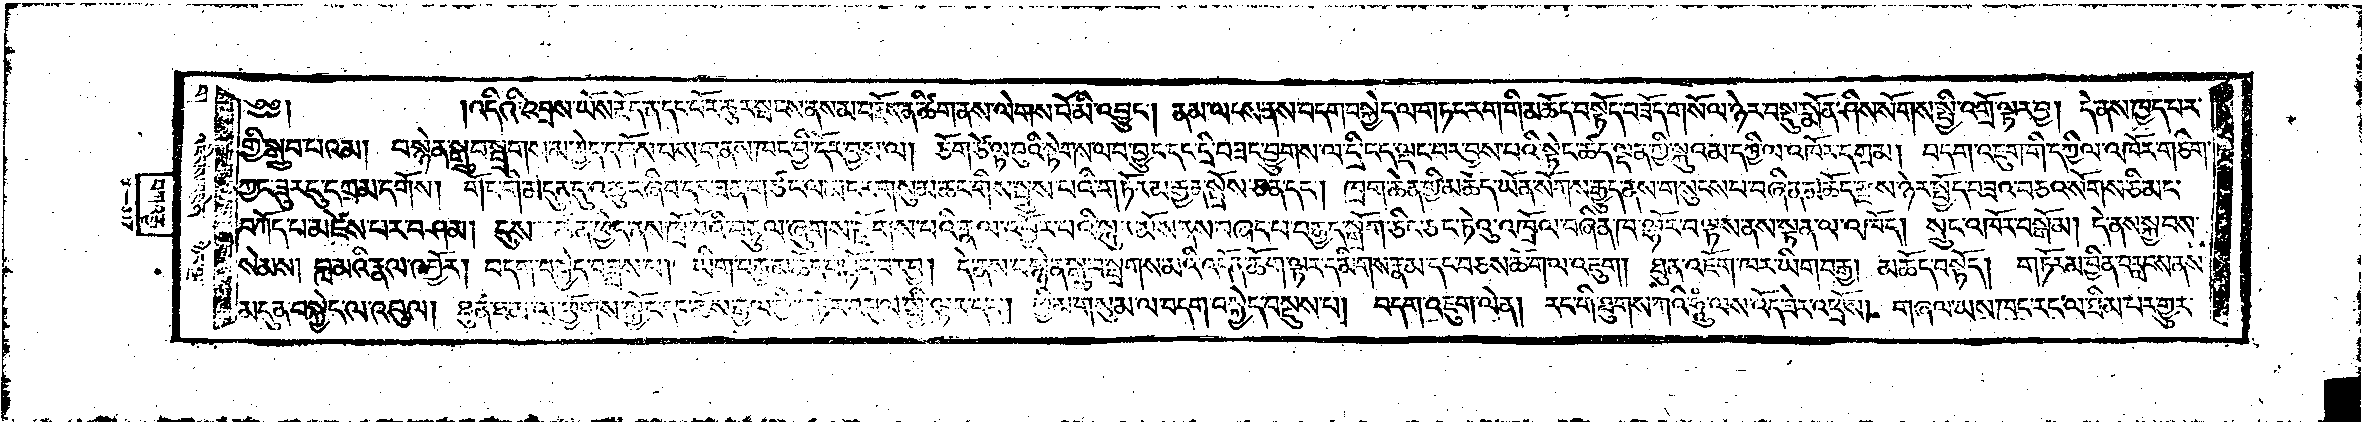༄༅། །འདིའི་འབྲས་ཡོས་རྡོད་ན་དང་པོར་ཆུར་སྤངས་ནས་མ་བརྡོས་ན་ཚིག་ནས་ལེགས་པོ་མི་འབྱུང་། ནམ་ལངས་ནས་བདག་བསྐྱེད་ལ་གཏང་རག་གི་མཆོད་བསྟོད་བཟོད་གསོལ་ཉེར་བསྡུ་སྨོན་ཤིས་སོགས་སྤྱི་འགྲོ་ལྟར་བྱ། དེ་ནས་ཁྱད་པར་
གྱི་སྒྲུབ་པའམ། བསྙེན་སྒྲུབ་སྦྲགས་མ་ཁྱེད་དགོས་པས་གནས་ཁང་བྱི་དོར་བྱས་ལ། ཅོག་ཙེ་ལྟ་བུའི་སྟེགས་ལབ་བྱུང་དང་དྲི་བཟང་བྱུགས་ལ་དྲི་ངད་ལྡང་བར་བྱས་པའི་སྟེང་ཚད་ལྡན་ཀྱི་སྐུའམ་དཀྱིལ་འཁོར་དགྲམ། བདག་འཇུག་གི་དཀྱིལ་འཁོར་གཅིག་
ཀྱང་ཟུར་དུ་དགྲམ་དགོས། གོང་གི་མདུན་དུ་འཆུང་ཞིབ་དང་ཟན་གཙང་ལ་མངར་གསུམ་ཆང་གིས་སྤྲུས་པའི་གཏོར་མ་རྒྱན་སྤྲོས་ཅན་དང་། ཁྲག་ཆེན་གྱི་མཆོད་ཡོན་སོགས་རྒྱུད་ནས་གསུངས་པ་བཞིན་མཆོད་རྫས་ཉེར་སྤྱོད་བཟའ་བཅའ་སོགས་ཙི་མང་
བཀོད་པ་མཛེས་པར་བཤམ། དུས་མཚན་ཕྱེད་ནས་ཁྲོ་བོའི་བརྟུལ་ཞུགས་རྫོགས་པའི་རྣལ་འབྱོར་པའི་སྐུར་མོས་ནས་བཞད་པ་བརྒྱད་སྒྲོག་ཅིང་ཅང་ཏེའུ་འཁྲོལ་བཞིན་ཁ་ལྷོར་བལྟས་ནས་སྟན་ལ་འཁོད། སྲུང་འཁོར་བསྒོམ། དེ་ནས་སྐྱབས་
སེམས། བླ་མའི་རྣལ་འབྱོར། བདག་བསྐྱེད་བཟླས་པ། ཡིག་བརྒྱ་མཆོད་བསྟོད་པར་བྱ། དེ་ནས་བསྙེན་སྒྲུབ་སྦྲགས་མའི་འདོན་ཆོག་ལྟར་དམིགས་རྣམ་དང་བཅས་ཆོ་ག་ལ་འཇུག། ཐུན་འཇོག་ཁར་ཡིག་བརྒྱ། མཆོད་བསྟོད། གཏོར་མ་བྱིན་བརླབས་ནས་
མདུན་བསྐྱེད་ལ་འབུལ། ཐུན་ཐ་མ་ལ་ཕྱོགས་སྐྱོང་དང་ཆོས་རྒྱལ་གྱི་གཏོར་འབུལ་སྤྱི་ལྟར་དང་། ཕྱི་མ་གསུམ་ལ་བདག་བསྐྱེད་བསྡུས་པ། བདག་འཇུག་ལེན། རང་གི་ཐུགས་ཀའི་ཧཱུཾ་ལས་འོད་ཟེར་འཕྲོས། གཞལ་ཡས་ཁང་རང་ལ་ཐིམ་པར་གྱུར་